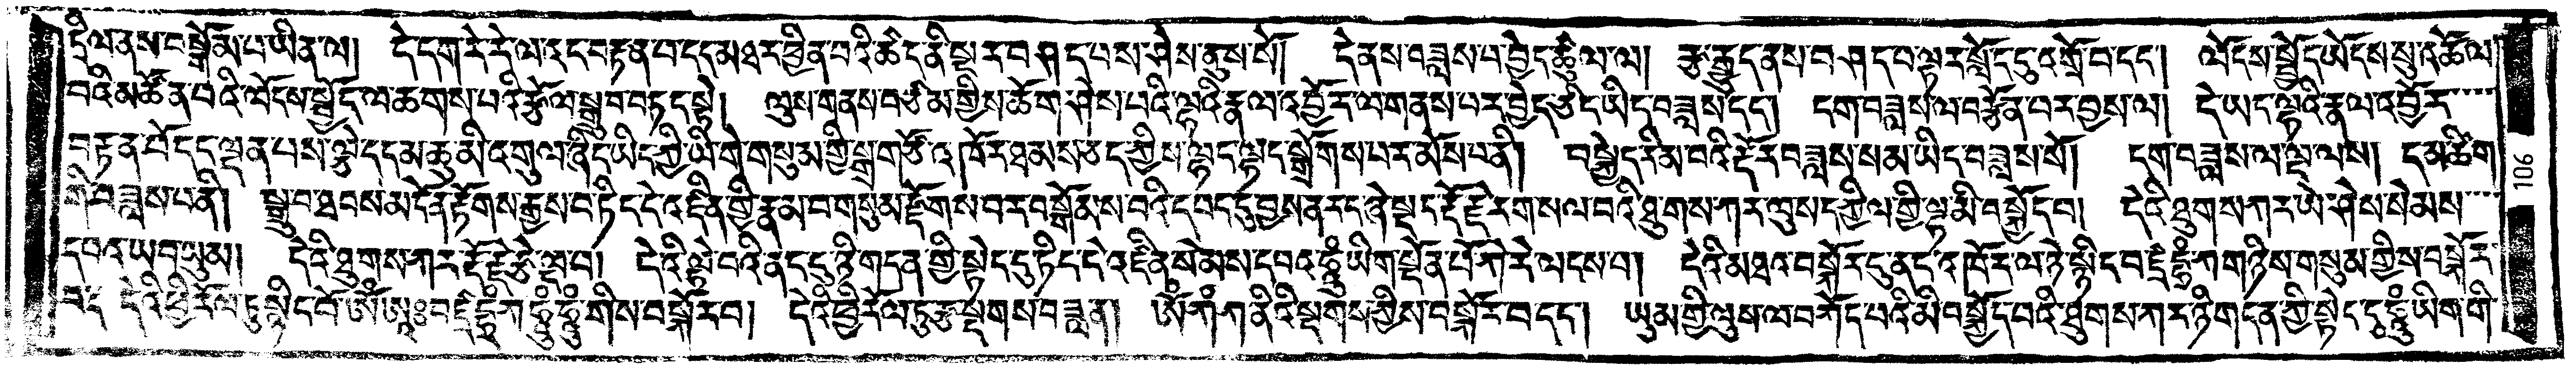དྲིལ་ནས་བསྒོམ་པ་ཡིན་ལ། དེ་དག་རེ་རེ་ལའང་བརྟན་པ་དང་མཐར་ཕྱིན་པའི་ཚད་ནི་སྔར་བཤད་པས་ཤེས་ནུས་སོ། དེ་ནས་བཟླས་པ་བྱེད་ཚུལ་ལ། རྩ་རྒྱུད་ནས་བཤད་པ་ལྟར་སློང་དུ་འགྲོ་བ་དང་། ལོངས་སྤྱོད་ཡོངས་སུ་འཚོལ་
བའི་མཚོན་པའི་ལོངས་སྤྱོད་ལ་ཆགས་པའི་རྩོལ་སྒྲུབ་བཏང་སྟེ། ལུས་གནས་བ་ཙམ་གྱིས་ཆོག་ཤེས་པའི་ལྷའི་རྣལ་འབྱོར་ལ་གནས་པར་བྱེད་ཅིང་ཡིད་བཟླས་དང་། དག་བཟླས་ལ་བརྩོན་པར་བྱས་ལ། དེ་ཡང་ལྷའི་རྣལ་འབྱོར་
བརྟན་པོ་དང་ལྡན་པས་ལྕེ་དང་མཆུ་མི་འགུལ་ཞིང་ཡིད་ཀྱི་ཡི་གེ་གསུམ་གྱི་སྒྲ་གཙོ་འཁོར་ཐམས་ཅད་ཀྱིས་ལྷང་ལྷང་སྒྲོགས་པར་མོས་པ་ནི། བསྐྱེད་རིམ་བའི་རྡོར་བཟླས་སམ་ཡིད་བཟླས་སོ། དག་བཟླས་ལ་ལྔ་ལས། དམ་ཚིག་
གི་བཟླས་པ་ནི། སྒྲུབ་ཐབས་མངོན་རྟོགས་རྒྱས་བ་ཏིང་ངེ་འཛིན་གྱི་རྣམ་པ་གསུམ་རྫོགས་པར་བསྒོམས་པའི་དབང་དུ་བྱས་ན་རང་ཞེ་སྡང་རྡོ་རྗེར་གསལ་བའི་ཐུགས་ཀར་ལུས་དཀྱིལ་གྱི་ལྷ་མི་བསྐྱོད་བ། དེའི་ཐུགས་ཀར་ཡེ་ཤེས་སེམས་
དཔའ་ཡབ་ཡུམ། དེའི་ཐུགས་ཀར་རྡོ་རྗེ་རྩེ་ལྔ་པ། དེའི་ལྟེ་བའི་ནང་དུ་ཉི་གདན་གྱི་སྟེང་དུ་ཏིང་ངེ་འཛིན་སེམས་དཔའ་ཧཱུཾ་ཡིག་སྔོན་པོ་ཀེ་རེ་ལངས་པ། དེའི་མཐའ་བསྐོར་དུ་ནང་འཁོར་ལ་ཉེ་སྙིང་བཛྲ་དྷྲཾ་ཀ་གཉིས་གསུམ་གྱིས་བསྐོར་
བ༑ དེའི་ཕྱི་རོལ་ཏུ་སྙིང་པོ་ཨོཾ་ཨཱཿབཛྲ་དྷྲཾ་ཀ་ཧཱུཾ་ཧཱུཾ་གིས་བསྐོར་བ། དེའི་ཕྱི་རོལ་ཏུ་རྩ་སྔགས་བཟླ་ན། ཨོཾ་ཀཾ་ཀ་ནིའི་སྔགས་ཀྱིས་བསྐོར་བ་དང་། ཡུམ་གྱི་ལུས་ལ་བཀོད་པའི་མི་བསྐྱོད་པའི་ཐུགས་ཀར་ཉི་གདན་ཀྱི་སྟེང་དུ་ཧཱུཾ་ཡིག་གི་